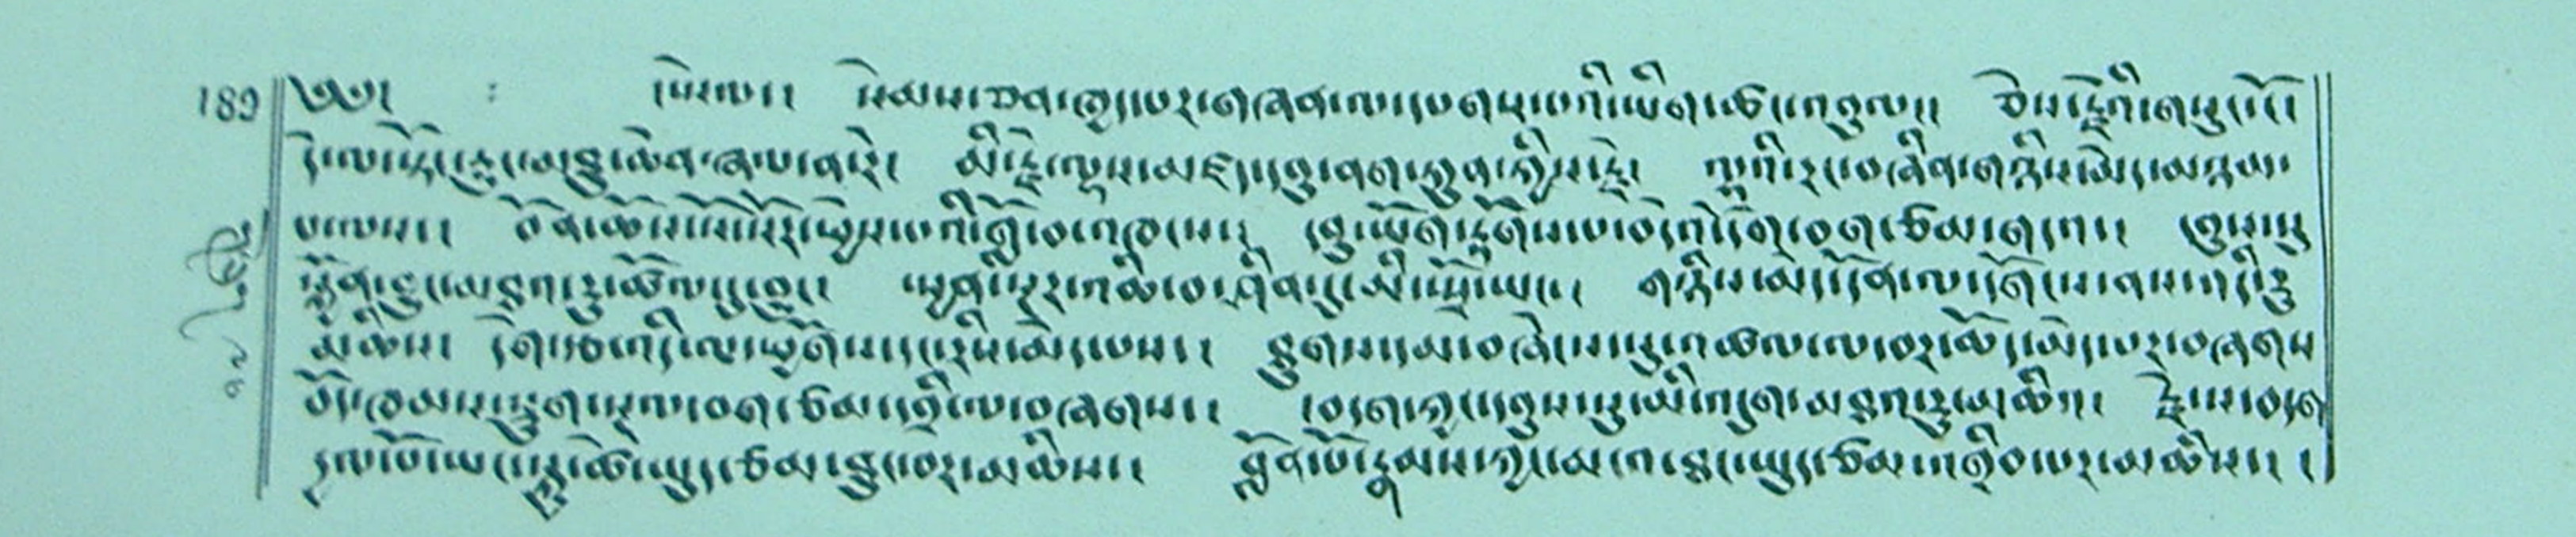༄༅། །སྤེལ། སེམས་ཅན་ཁྱད་པར་གཞན་ལ་དཔག་པའི་ཡིག་ཚང་འབུལ། ཅེས་རྗེའི་གསུངས་སོ། 
།དེ་ལ་སྟོང་རྒྱུང་མཐུ་ཆེན་ཞལ་ན་རེ། མི་རྗེ་ལྷས་མཛད་དབུ་ནག་ཀུན་ཀྱི་རྗེ། ལྷའི་རང་བཞིན་གཉིས་མེད་མཉམ་
པ་ལས། བོན་ཆོས་སོ་སོར་ཕྱེ་བས་གློ་བ་འཁངས། དབུ་ཡོག་རྟོགས་པ་བདེའ་དོགས་བག་ཙམ་གདའ། དབུས་སུ་
སྐྱོན་བྱུང་མཐའ་རུ་ཚོལ་དུ་བྱུང་། སྤྱན་སྔར་འཆི་བ་ཤིན་ཏུ་མི་སྤྲོ་ཡང་། གཉིས་མེད་དོན་ལ་དགོངས་ནས་འདི་རུ་
མཆིས། དགེ་རྩ་འདི་ལ་ཕྱོགས་དང་རིས་མེད་པར། ཐུགས་དམ་བཞེངས་སུ་འཚལ་ལ་བར་ཆོད་མེད་པར་བཞགས། 
བོད་ཁམས་སྡུག་བསྔལ་བག་ཙམ་དབྲི་ལ་བཞག བདག་ཀྱང་དབུས་སུ་མི་འདུག་མཐའ་རུ་མཆིའ། རྗེ་ས་བདག་
རྒྱལ་པོ་ཡང་སྐུ་ཚེ་ཡུད་ཙམ་ཐུང་བར་མཆིས། བློན་པོ་རྣམས་ཀྱང་མངའ་ཐང་ཡུད་ཙམ་འགྲིབ་པར་མཆིས།